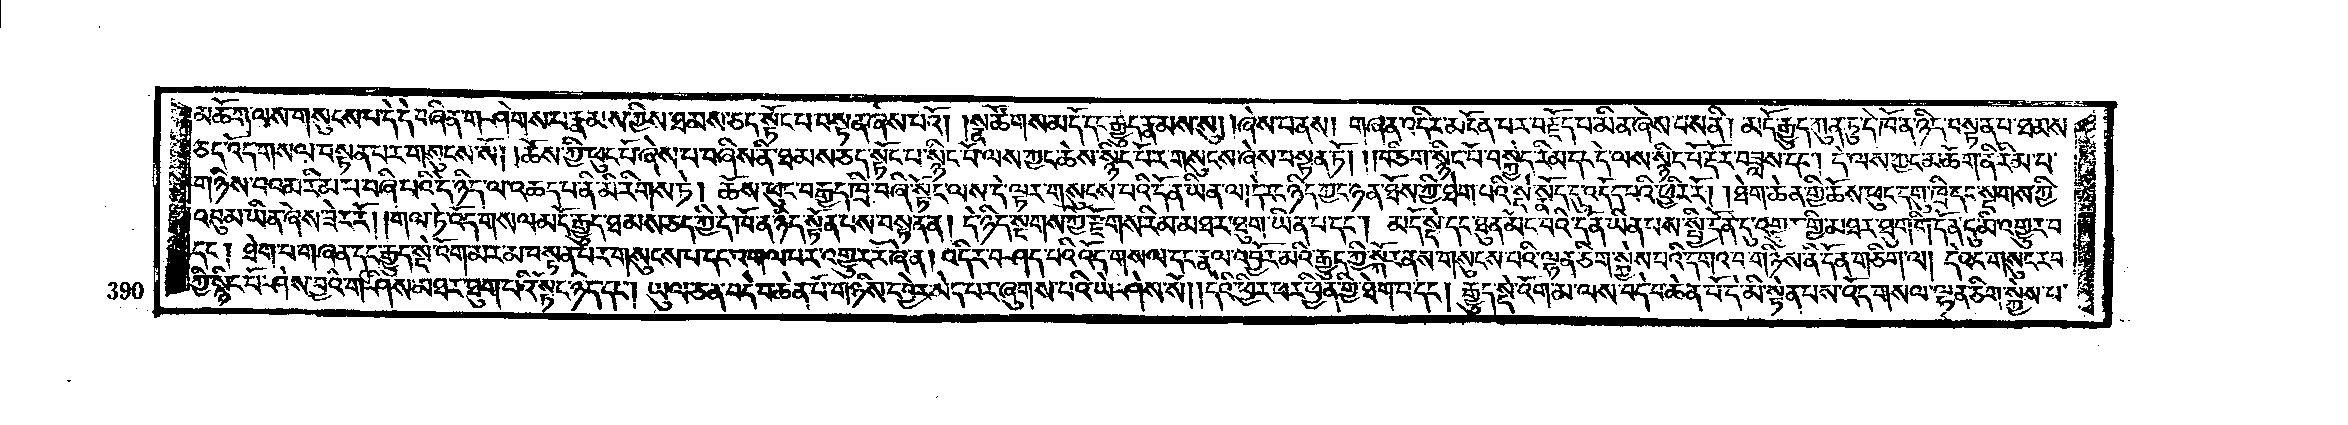མཆོག་ལས་གསུངས་པ་དེ་དེ་བཞིན་གཤེགས་པ་རྣམས་ཀྱིས་ཐམས་ཅད་སྟོང་པ་བསྟན་ཞེས་པའོ། །སྣ་ཚོགས་མདོ་དང་རྒྱུད་རྣམས་སུ། །ཞེས་པ་ནས། གཞན་འདིར་མངོན་པར་བརྗོད་པ་མིན་ཞེས་པས་ནི། མདོ་རྒྱུད་ཀུན་ཏུ་དེ་ཁོ་ན་ཉིད་བསྟན་པ་ཐམས་
ཅད་འོད་གསལ་བསྟན་པར་གསུངས་སོ། །ཆོས་ཀྱི་ཕུང་པོ་ཞེས་པ་བཞིས་ནི་ཐམས་ཅད་སྟོང་པ་སྙིང་པོ་ལས་ཀྱང་ཆེས་སྙིང་པོར་གསུངས་ཞེས་བསྟན་ཏོ། །ཁ་ཅིག་སྙིང་པོ་བསྐྱེད་རིམ་དང་དེ་ལས་སྙིང་པོ་རྡོར་བཟླས་དང་། དེ་ལས་ཀྱང་མཆོག་ནི་རིམ་པ་
གཉིས་པའམ་རིམ་པ་བཞི་པའི་དེ་ཉིད་ལ་འཆད་པ་ནི་མི་རིགས་ཏེ། ཆོས་ཕུང་བརྒྱད་ཁྲི་བཞི་སྟོང་ལས་དེ་ལྟར་གསུངས་པའི་དོན་ཡིན་ལ། དེ་རང་ཉིད་ཀྱང་ཉན་ཐོས་ཀྱི་ཐེག་པའི་སྡེ་སྣོད་དུ་འདོད་པའི་ཕྱིར་རོ། །ཐེག་ཆེན་གྱི་ཆོས་ཕུང་དགུ་ཁྲི་དང་སྔགས་ཀྱི་
འབུམ་ཡིན་ཞེས་ཟེར་རོ། །གལ་ཏེ་འོད་གསལ་མདོ་རྒྱུད་ཐམས་ཅད་ཀྱི་དེ་ཁོ་ན་ཉིད་སྟོན་པས་བསྟན་ན། དེ་ཉིད་སྔགས་ཀྱི་རྫོགས་རིམ་མཐར་ཐུག་ཡིན་པ་དང་། མདོ་སྡེ་དང་ཐུན་མོང་བའི་དོན་ཡིན་པས་སྤྱི་དོན་དུ་འགྱུར་གྱི་མཐར་ཐུག་གི་དོན་དུ་མི་འགྱུར་བ་
དང་། ཐེག་པ་གཞན་དང་རྒྱུད་སྡེ་འོག་མར་མ་བསྟན་པར་གསུངས་པ་དང་འགལ་པར་འགྱུར་རོ་ཞེ་ན། འདིར་བཤད་པའི་འོད་གསལ་དང་རྣལ་འབྱོར་མའི་རྒྱུད་ཀྱི་སྐོར་ནས་གསུངས་པའི་ལྷན་ཅིག་སྐྱེས་པའི་དགའ་བ་གཉིས་ནི་དོན་གཅིག་ལ། དེའང་གསུང་རབ་
ཀྱི་སྙིང་པོ་ཤེས་བྱའི་གཤིས་མཐར་ཐུག་པའི་སྟོང་ཉིད་དང་། ཡུལ་ཅན་བདེ་བ་ཆེན་པོ་གཉིས་དབྱེར་མེད་པར་ཞུགས་པའི་ཡེ་ཤེས་སོ། །དེའི་ཕྱིར་ཕར་ཕྱིན་གྱི་ཐེག་པ་དང་། རྒྱུད་སྡེ་འོག་མ་ལས་བདེ་བ་ཆེན་པོ་དེ་མི་སྟེན་པས་འོད་གསལ་ལྷན་ཅིག་སྐྱེས་པ་